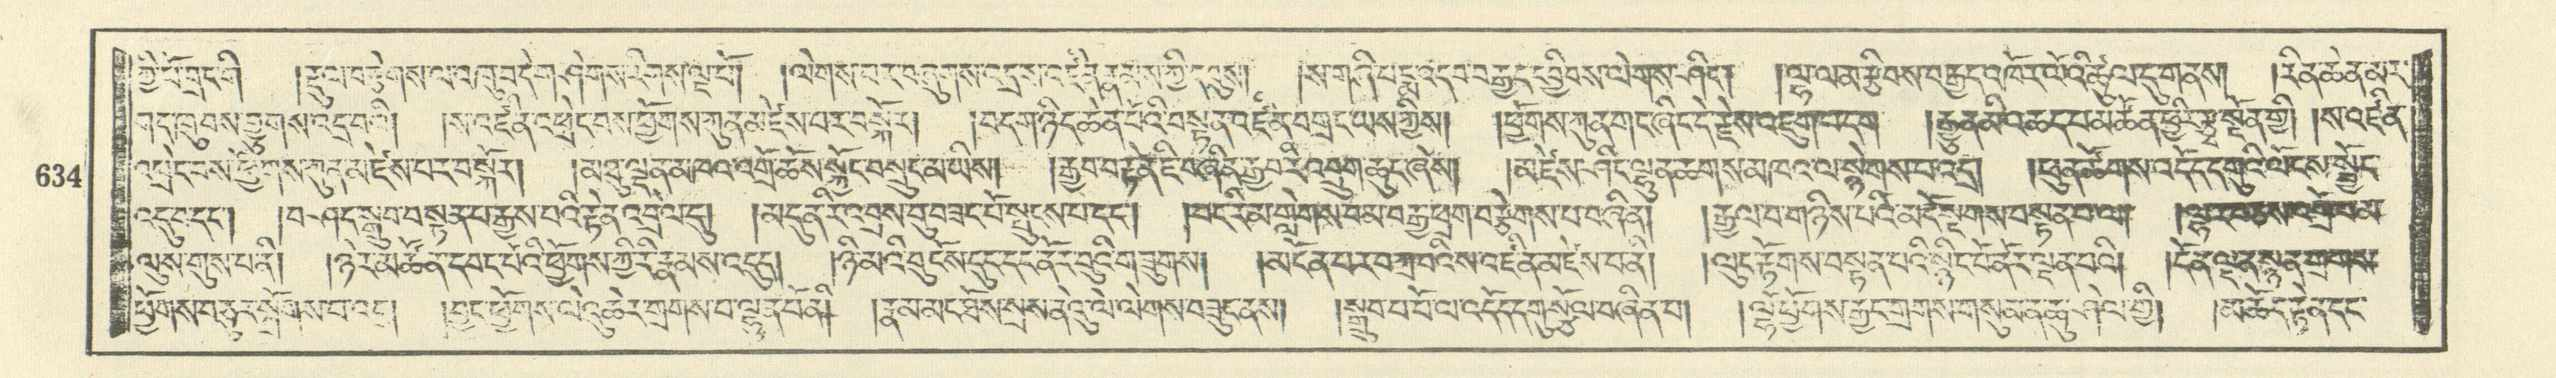ཀྱི་ཕོ་བྲང་གི །རྡུལ་བརྩེགས་ལ་འཁུ་བདེ་གཤེགས་རིགས་ལྔ་པོ། །ལེགས་བར་བཞུགས་འདྲ་ས་འཛིན་རྣམས་ཀྱི་དབུས། །ས་གཞི་པདམ་འདབ་བརྒྱད་དབྱིབས་ལེགས་ཤིང་། །ལྷ་ལམ་རྩིབས་བརྒྱད་འཁོར་ལོའི་ཚུལ་དུ་གནས། །རིན་ཆེན་མར་
གད་ཁུ་བས་བྱུགས་འདྲ་བའི། །ས་འཛིན་འཕྲེང་བས་ཕྱོགས་ཀུན་མཛེས་པར་བསྐོར། །བདག་ཉིད་ཆེན་པོའི་བསྟན་འཛིན་བགྲང་ཡས་ཀྱིས། །ཕྱོགས་ཀུན་གང་ཞིང་དེ་རྗེས་འཇུག་པ་དག །རྒྱུན་མི་འཆད་པ་མཚོན་ཕྱིར་རྩྭ་སྔོན་གྱི། །ས་འཛིན་
འཕྲེང་བས་ཕྱོགས་ཀུན་མཛེས་པར་བསྐོར། །མཐུ་ལྡན་མཁའ་འགྲོ་ཆོས་སྐྱོང་བསྲུང་མ་ཡིས། །རྒྱབ་བརྟེན་ཇི་བཞིན་རྒྱབ་རི་འབྲུག་ཆུང་ཞེས། །མཛེས་ཤིང་ལྷུན་ཆགས་མཁའ་ལ་སྙེགས་བ་འདྲ། །ཕུན་ཚོགས་འདོད་དགུའི་ལོངས་སྦྱོང་
འདུ་བ་དང་། །བཤད་སྒྲུབ་བསྟན་པ་རྒྱས་པའི་རྟེན་འབྲེལ་དུ། །མདུན་རི་འབྲས་བུ་བཟང་པོ་སྤུངས་པ་དང་། །བང་རིམ་གླེགས་བམ་བརྒྱ་ཕྲག་བརྩེགས་པ་བཞིན། །རྒྱལ་བ་གཉིས་པའི་མདོ་སྔགས་བསྟན་པ་ལ། །ལྷར་བཅས་འགྲོ་བ་མ་
ལུས་གུས་པ་ནི། །ཉེར་མཚོན་དབང་པོའི་ཕྱོགས་ཀྱི་རི་རྣམས་འདུད། །ཉི་མའི་བུ་ངོས་དུང་དང་ནོར་བུའི་གཟུགས། །མངོན་པར་བཀྲ་བའི་ས་འཛིན་མཛེས་པ་ནི། །ལུང་རྟོགས་བསྟན་པའི་སྙིང་པོ་ནོར་ལྡན་པའི། །དོན་ལྡན་སྙན་གྲགས་
ཕྱོགས་བཅུར་སྒྲོགས་པ་འདྲ། །བྱང་ཕྱོགས་ལེའུ་ཆེར་གྲགས་པ་ལྷུན་པོ་ནི། །རྣམ་མང་ཐོས་སྲས་ནེའུ་ལེ་ལེགས་བཟུང་ནས། །སྒྲུབ་པ་པོ་ལ་འདོད་དགུ་སྩོལ་བཞིན་བ། །ལྷོ་ཕྱོགས་རྒྱང་གྲགས་གསུམ་ན་ཆུ་ཤེལ་གྱི། །མཆོད་རྟེན་དང་